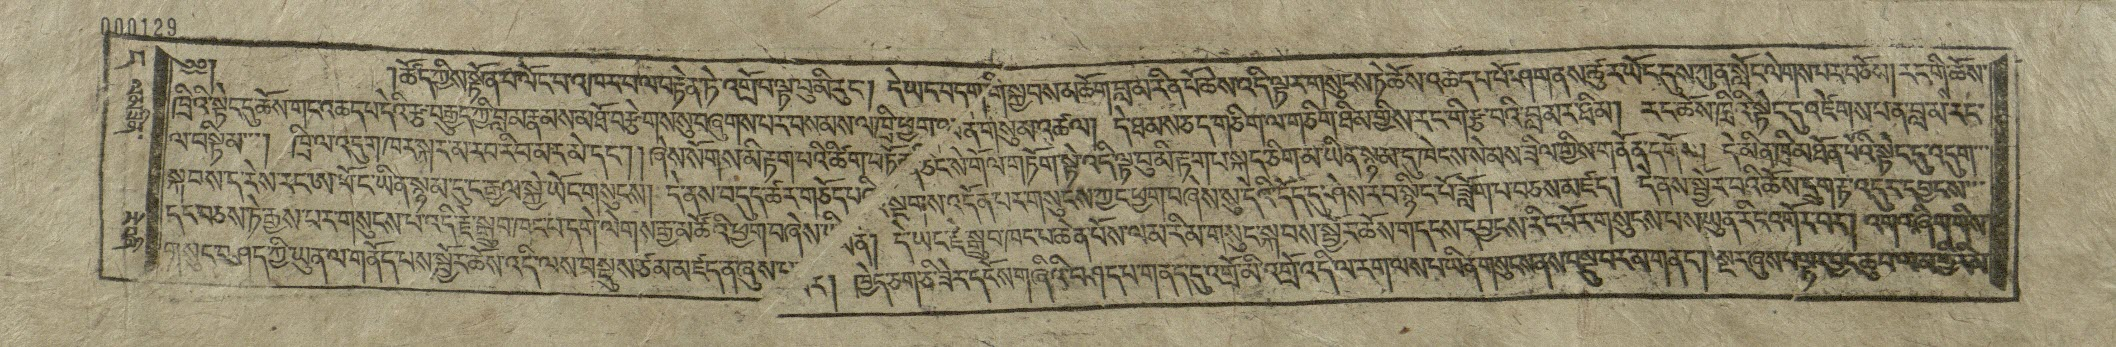༄༅། །ཚོད་ཀྱིས་སྟོན་པ་ལོང་བ་འཁར་བ་ལ་བརྟེན་ཏེ་འགྲོ་བ་ལྟ་བུ་མི་རུང་། དེ་ཡང་བདག་གི་སྐྱབས་མཆོག་བླ་མ་རིན་པོ་ཆེས་འདི་ལྟར་གསུངས་ཏེ་ཆོས་འཆད་པ་པོ་ཤག་ནས་ཚུར་ཡོང་དུས་ཀུན་སློང་ལེགས་པར་བཅོས། རང་གིས་ཆོས་
ཁྲིའི་སྟེང་དུ་ཆོས་གང་འྕད་པ་དེའི་རྩ་བརྒྱུད་ཀྱི་བླ་མ་རྣམས་མཐོ་བརྩེགས་སུ་བཞུགས་པར་བསམས་ལ་ཁྲི་ཕྱག་ལན་གསུམ་འཚལ། དེ་ཐམས་ཅད་གཅིག་ལ་གཅིག་ཐིམ་གྱིས་རང་གི་རྩ་བའི་བླ་མར་ཐིམ། རང་ཆོས་ཁྲིའི་སྟེང་དུ་འཛེགས་པ་ན་བླ་མ་རང་
ལ་བསྟིམ། ཁྲི་ལ་འདུག་ཁར་སྐར་མ་རབ་རིབ་མར་མེ་དང་། །ཞེས་སོགས་མི་རྟག་པའི་ཚིག་བཏོན་ཅིང་སེ་གོལ་གཏོག་སྟེ་འདི་ལྟ་བུ་མི་རྟག་པ་སྐད་ཅིག་མ་ཡིན་སྙམ་དུ་ཁེངས་སེམས་ཟིལ་གྱིས་གནོན་དགོས། དེ་མིན་ཁྲི་མཐོན་པོའི་སྟེང་དུ་འདུག་
སྐབས་ད་རེས་རང་ཨ་ཕོ་ང་ཡིན་སྙམ་དུ་ང་རྒྱལ་སྐྱེ་ཡོང་གསུངས། དེ་ནས་བདུད་ཚར་གཅོད་པའི་སྔགས་འདོན་པར་གསུངས་ཀྱང་ཕྱག་བཞེས་སུ་དེའི་དོད་དུ་ཤེས་རབ་སྙིང་པོ་ཟློག་པ་བཅས་མཛད། དེ་ནས་སྦྱོར་བའི་ཆོས་དྲུག་རྟ་འདུར་དབྱངས་
དང་བཅས་ཏེ་རྒྱས་པར་གསུངས་པ་འདི་རྗེ་སྒྲུབ་ཁང་པ་དགེ་ལེགས་རྒྱ་མཚོའི་ཕྱག་བཞེས་ཡིན། དེ་ཡང་རྗེ་སྒྲུབ་ཁང་པ་ཆེན་པོས་ལམ་རིམ་གསུང་སྐབས་སྦྱོར་ཆོས་གདངས་དབྱངས་རིང་པོར་གསུངས་པས་ཡུན་རིང་འགོར་བར། འགའ་ཞིག་གིས་
གསུང་བཤད་ཀྱི་ཡུན་ལ་གནོད་པས་སྦྱོར་ཆོས་འདི་ལས་བསྡུས་ཙམ་མཛད་ན་ཞུས་པར། ཁྱེད་ཅག་ཅི་ཟེར་དངོས་གཞིའི་བཤད་པ་གནད་དུ་འགྲོ་མི་འགྲོ་འདི་ལ་རག་ལས་པ་ཡིན་གསུངས་ནས་བསྡུ་བར་མ་གནང་། སྔར་ཞུས་པ་ལྟར་བྱང་ཆུབ་ལམ་གྱི་རིམ་